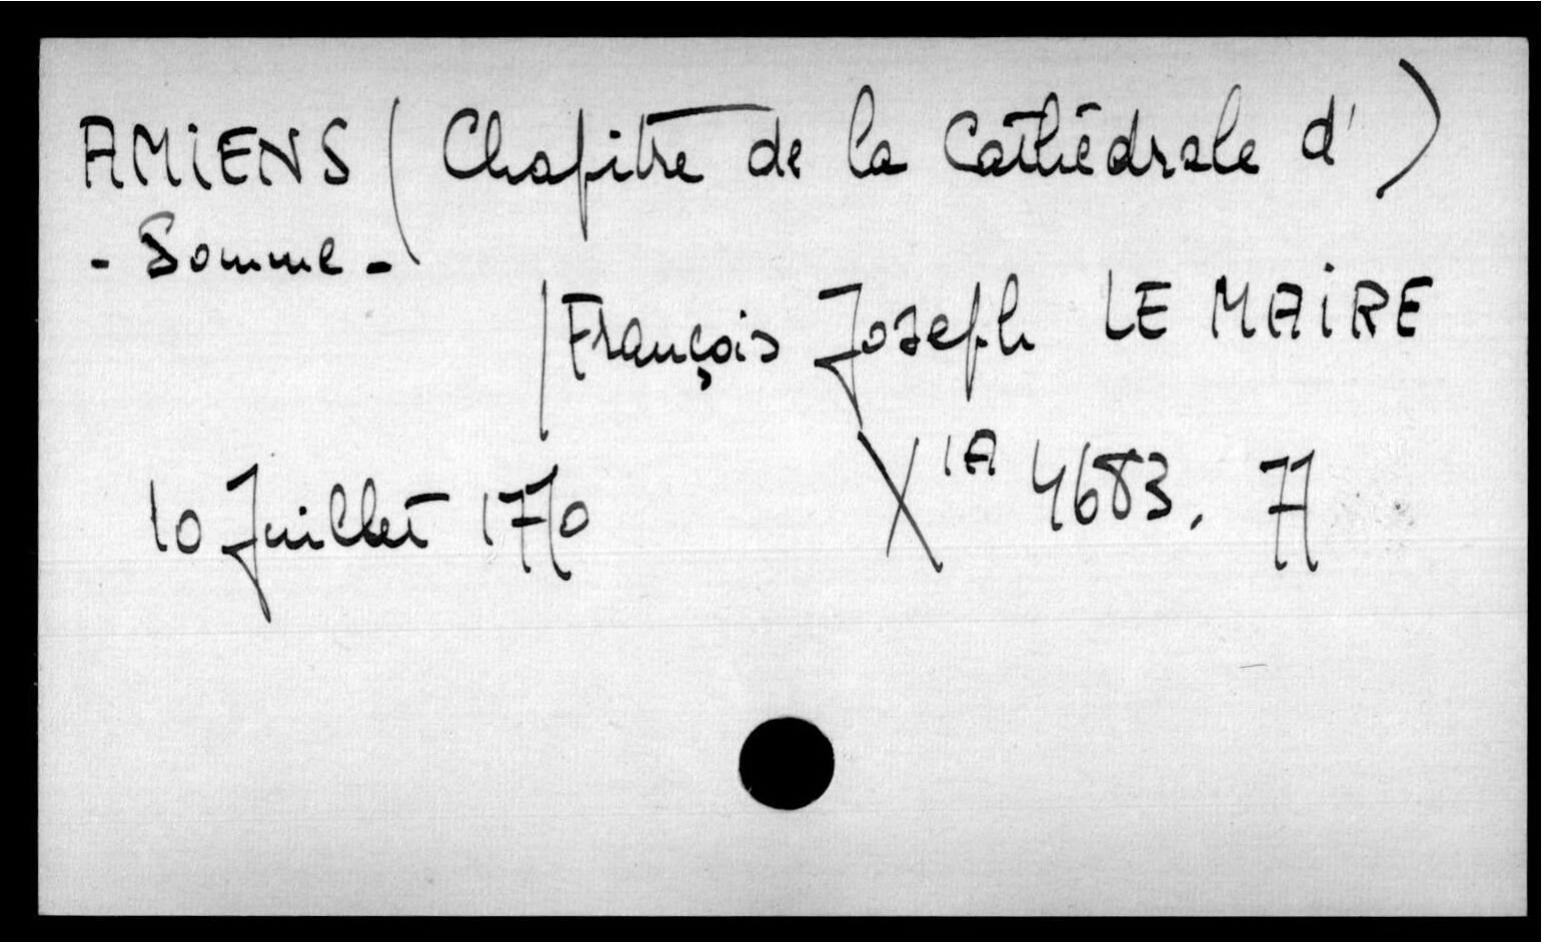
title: AMIENS (Chapitre de la Cathédrale d') - Somme -
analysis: Contre François Joseph LE MAIRE
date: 10 juillet 1770
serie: X1A
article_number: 4683
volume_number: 77
